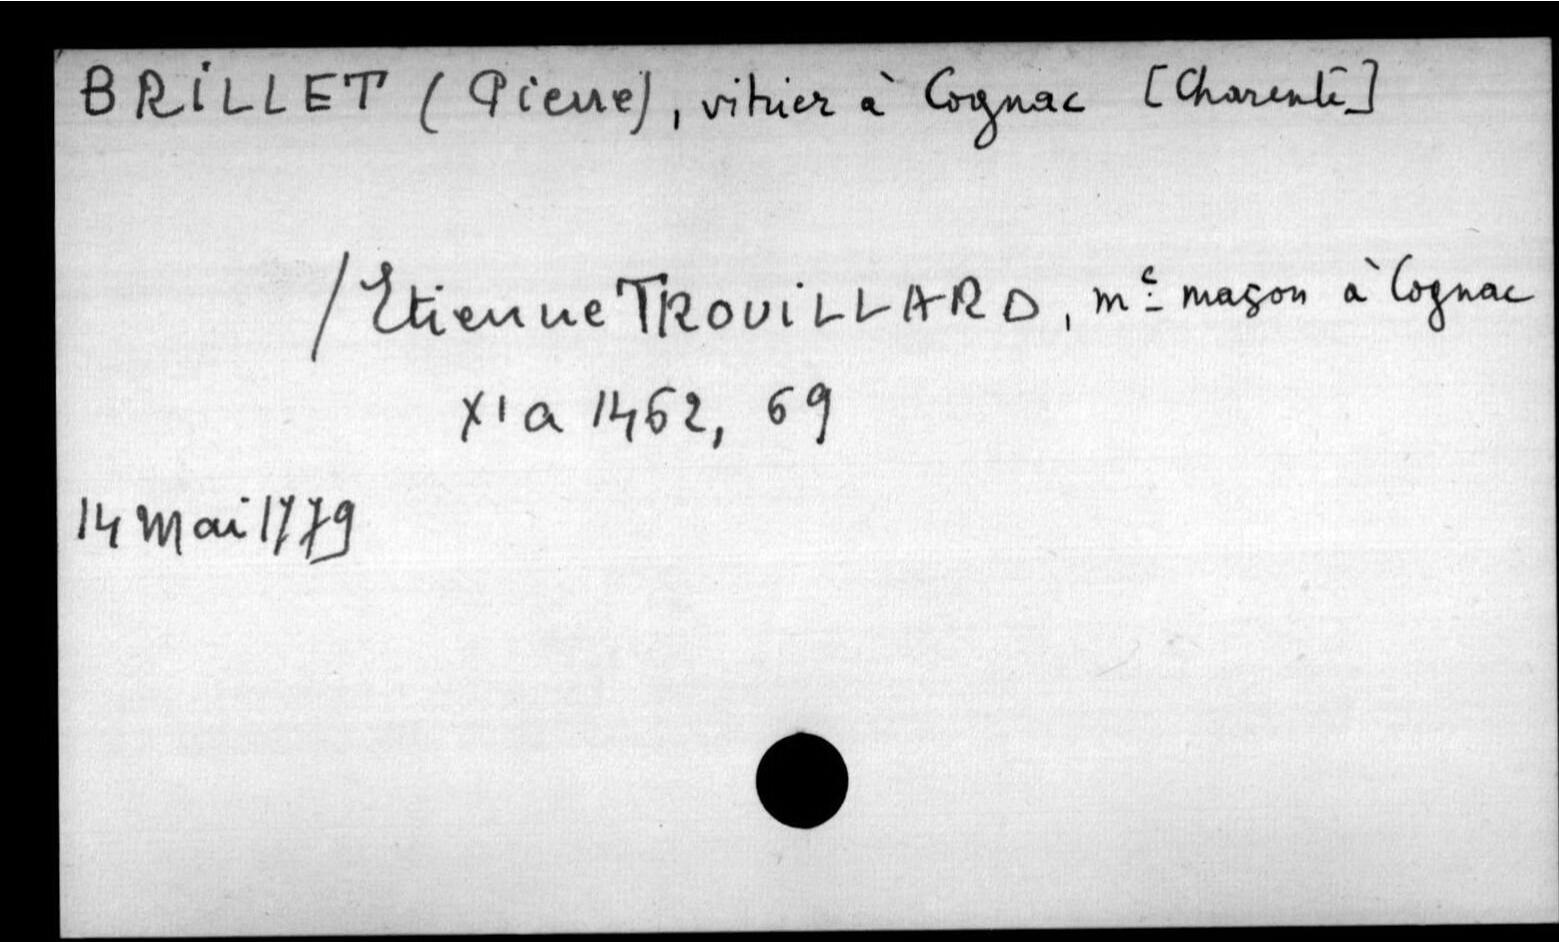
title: BRILLET (Pierre), vitrier à Cognac (Charente)
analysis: Contre Etienne TrouiLLARD, maître maçon à Cognac
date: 14 mai 1779
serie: X1a
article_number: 1462
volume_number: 69
